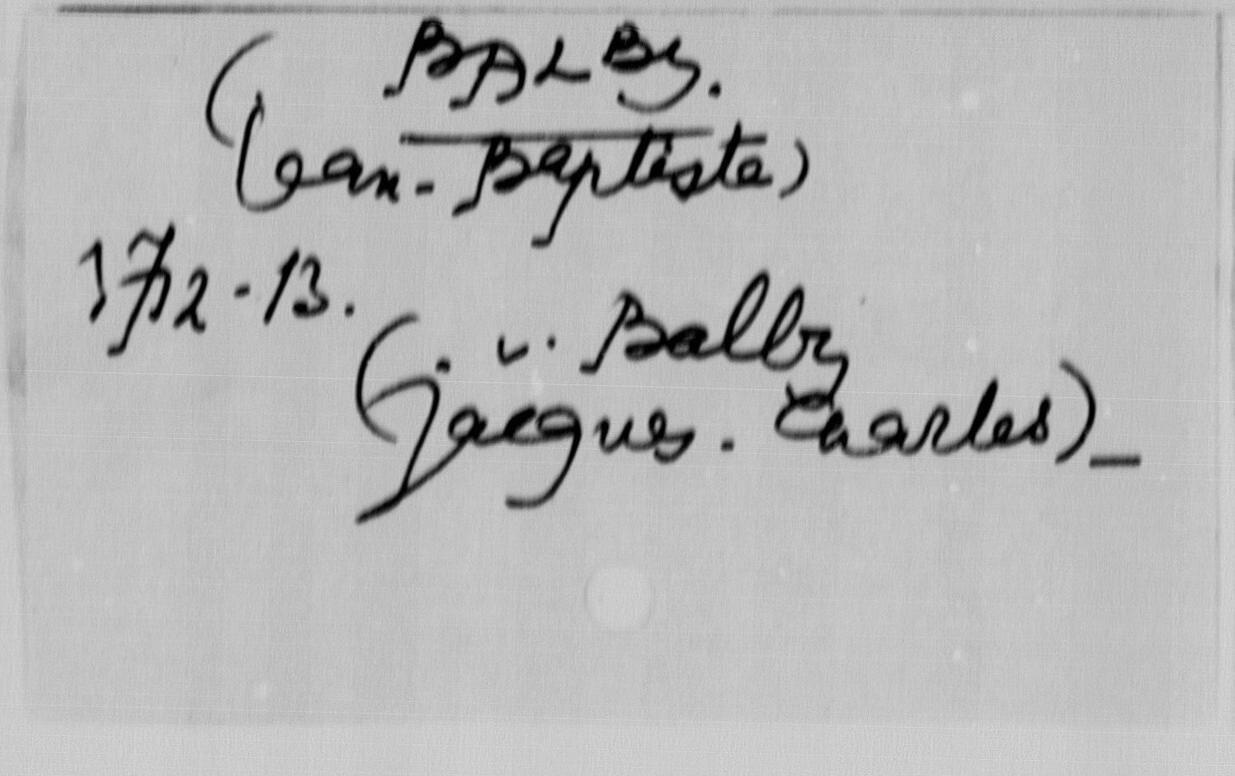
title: BALBY (Jean-Baptiste)
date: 1712-1713
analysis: Voir BALBY (Jacques-Charles)
